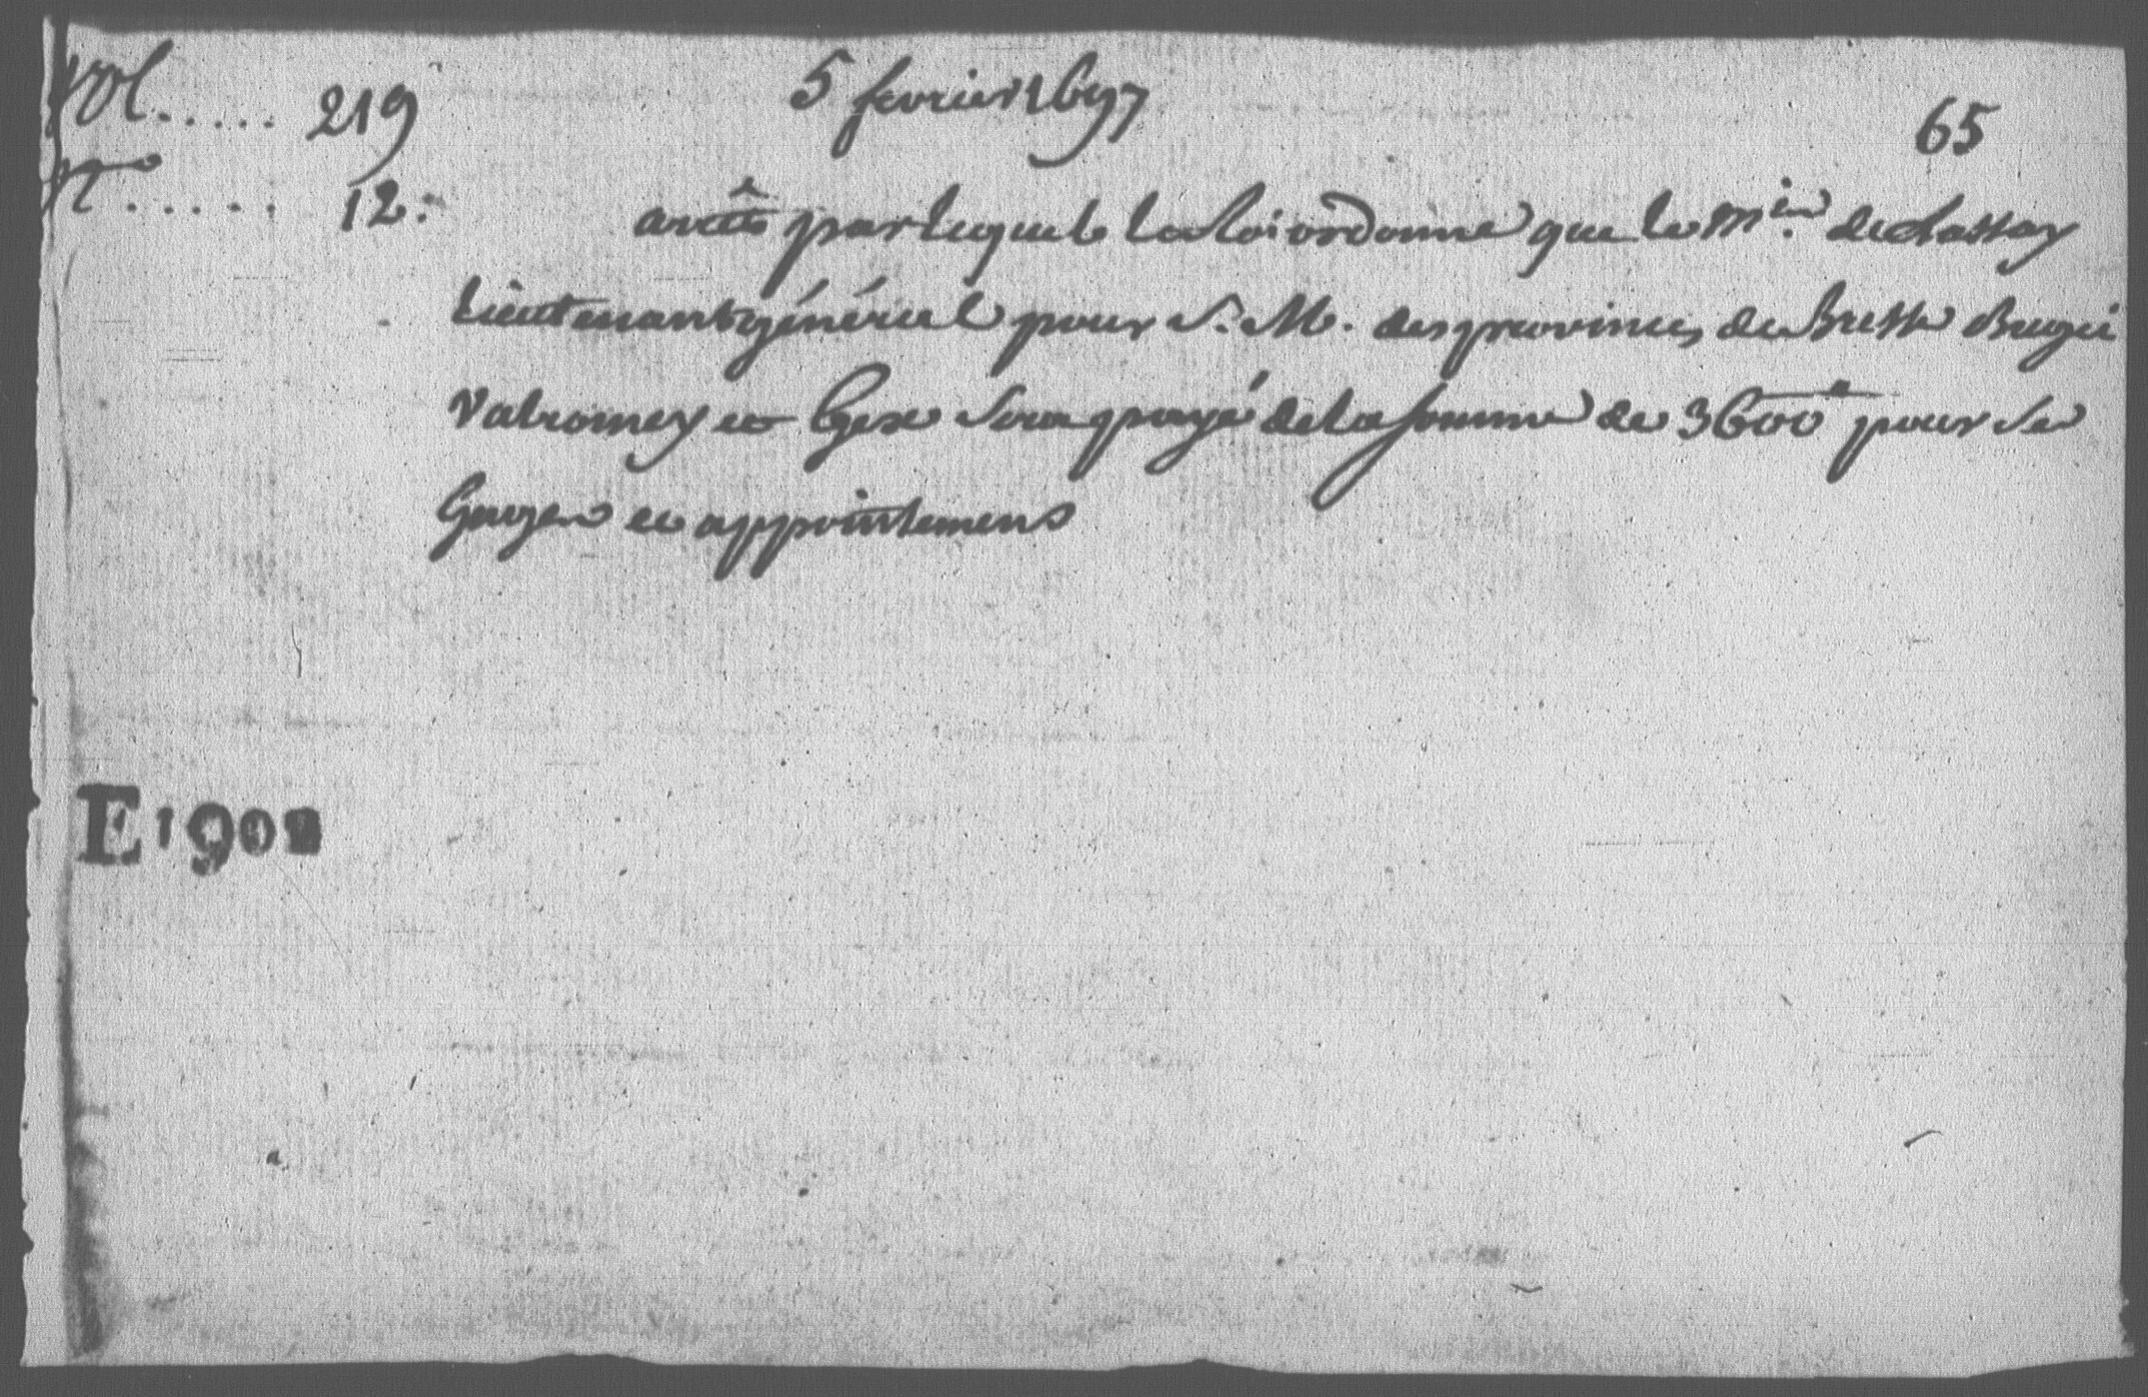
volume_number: n°12
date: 5 février 1677
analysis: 65
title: arrêt par lequel le la Roi ordonne que le m.is de Lassay lieutenant général pour S. M. des provinces de Bresse Bugei Valromey et Gex sera payé de la somme de 3600 # pour ses gages et appointemens
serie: E
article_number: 1902
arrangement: vol. 219
